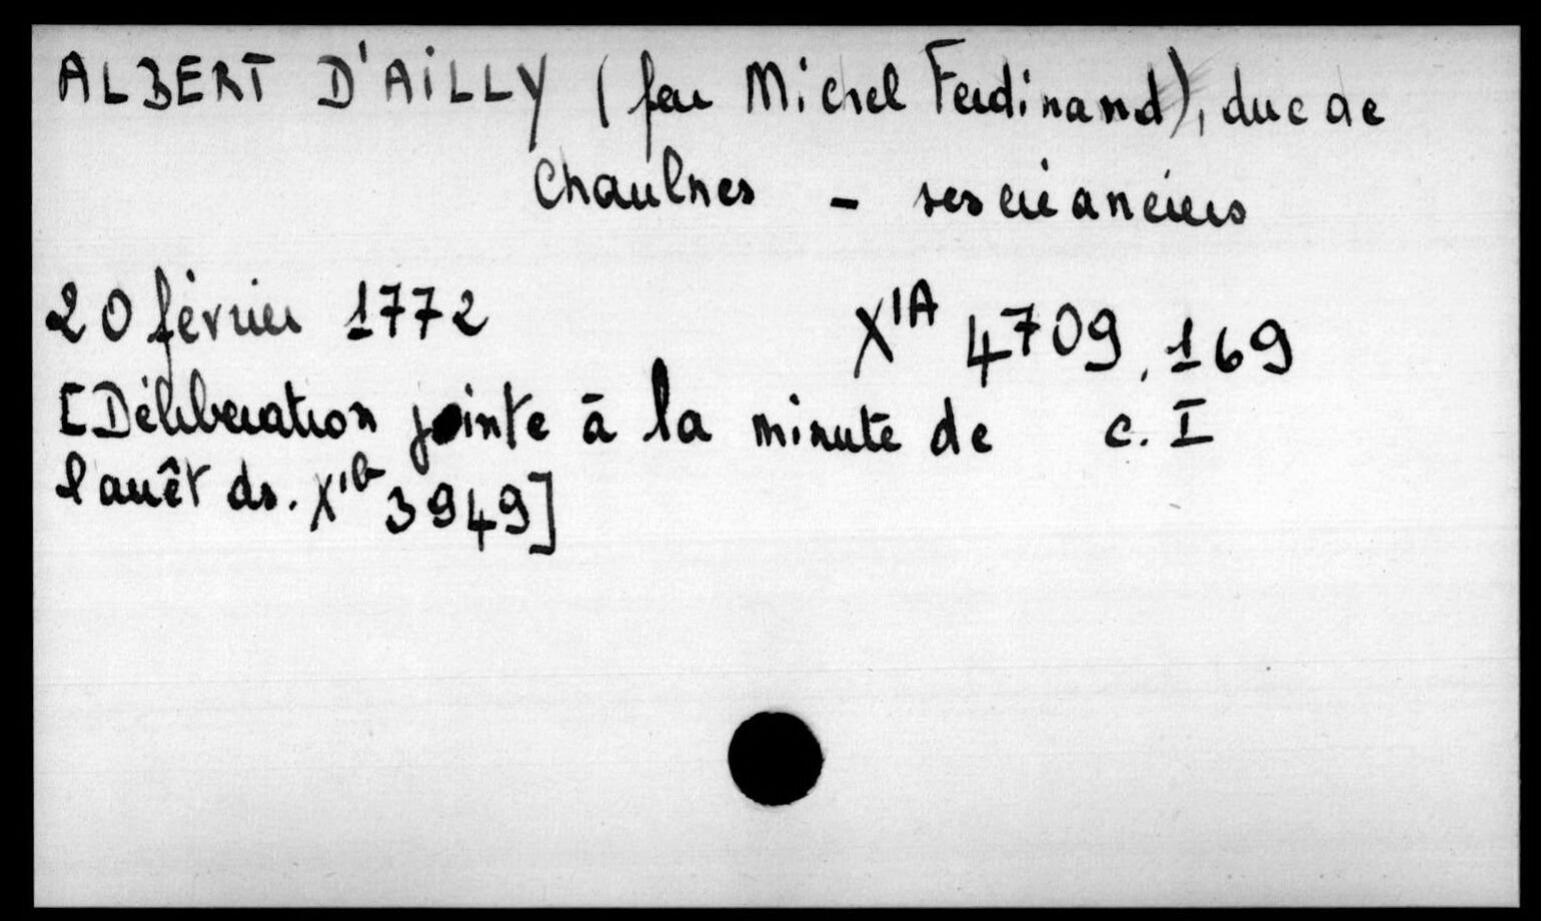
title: ALBERT D'AILLY (feu Michel Ferdinand), duc de Chaulnes, ses créanciers
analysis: [Délibération jointe à la minute de l'arrêt de X1b 3949]
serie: X1A
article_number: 4709
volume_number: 169 Conseil 1
